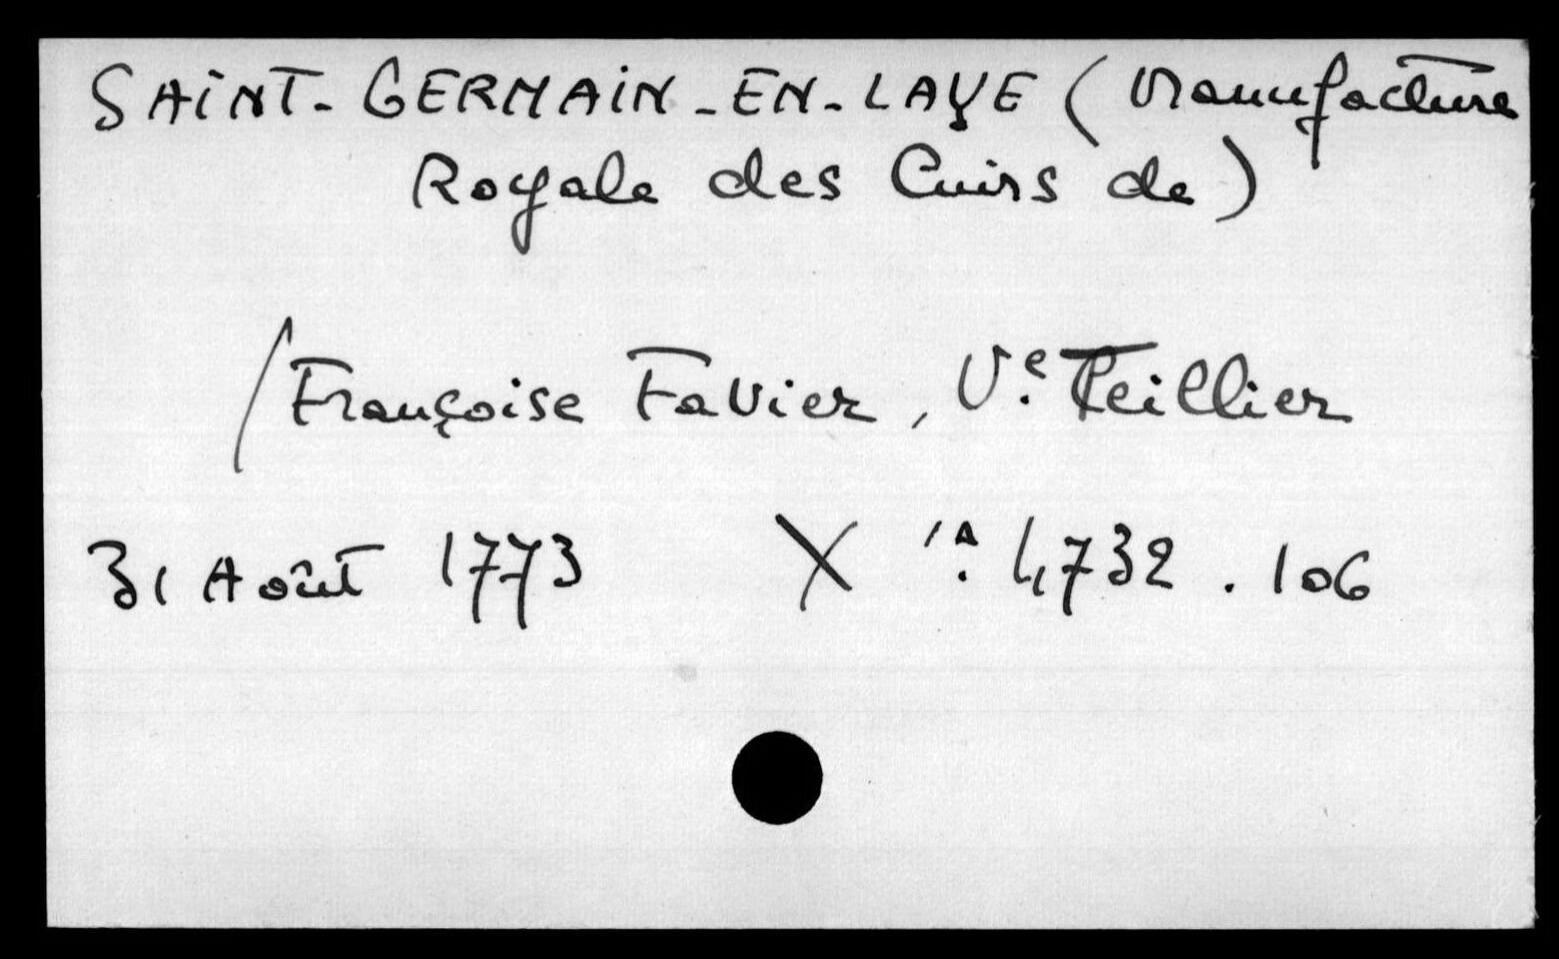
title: SAINT-GERMAIN-EN-LAYE (Manufacture Royale des Cuirs de)
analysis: Contre Françoise Favier, veuve Teillier
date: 31 août 1773
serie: X1A
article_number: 4732
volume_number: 106
